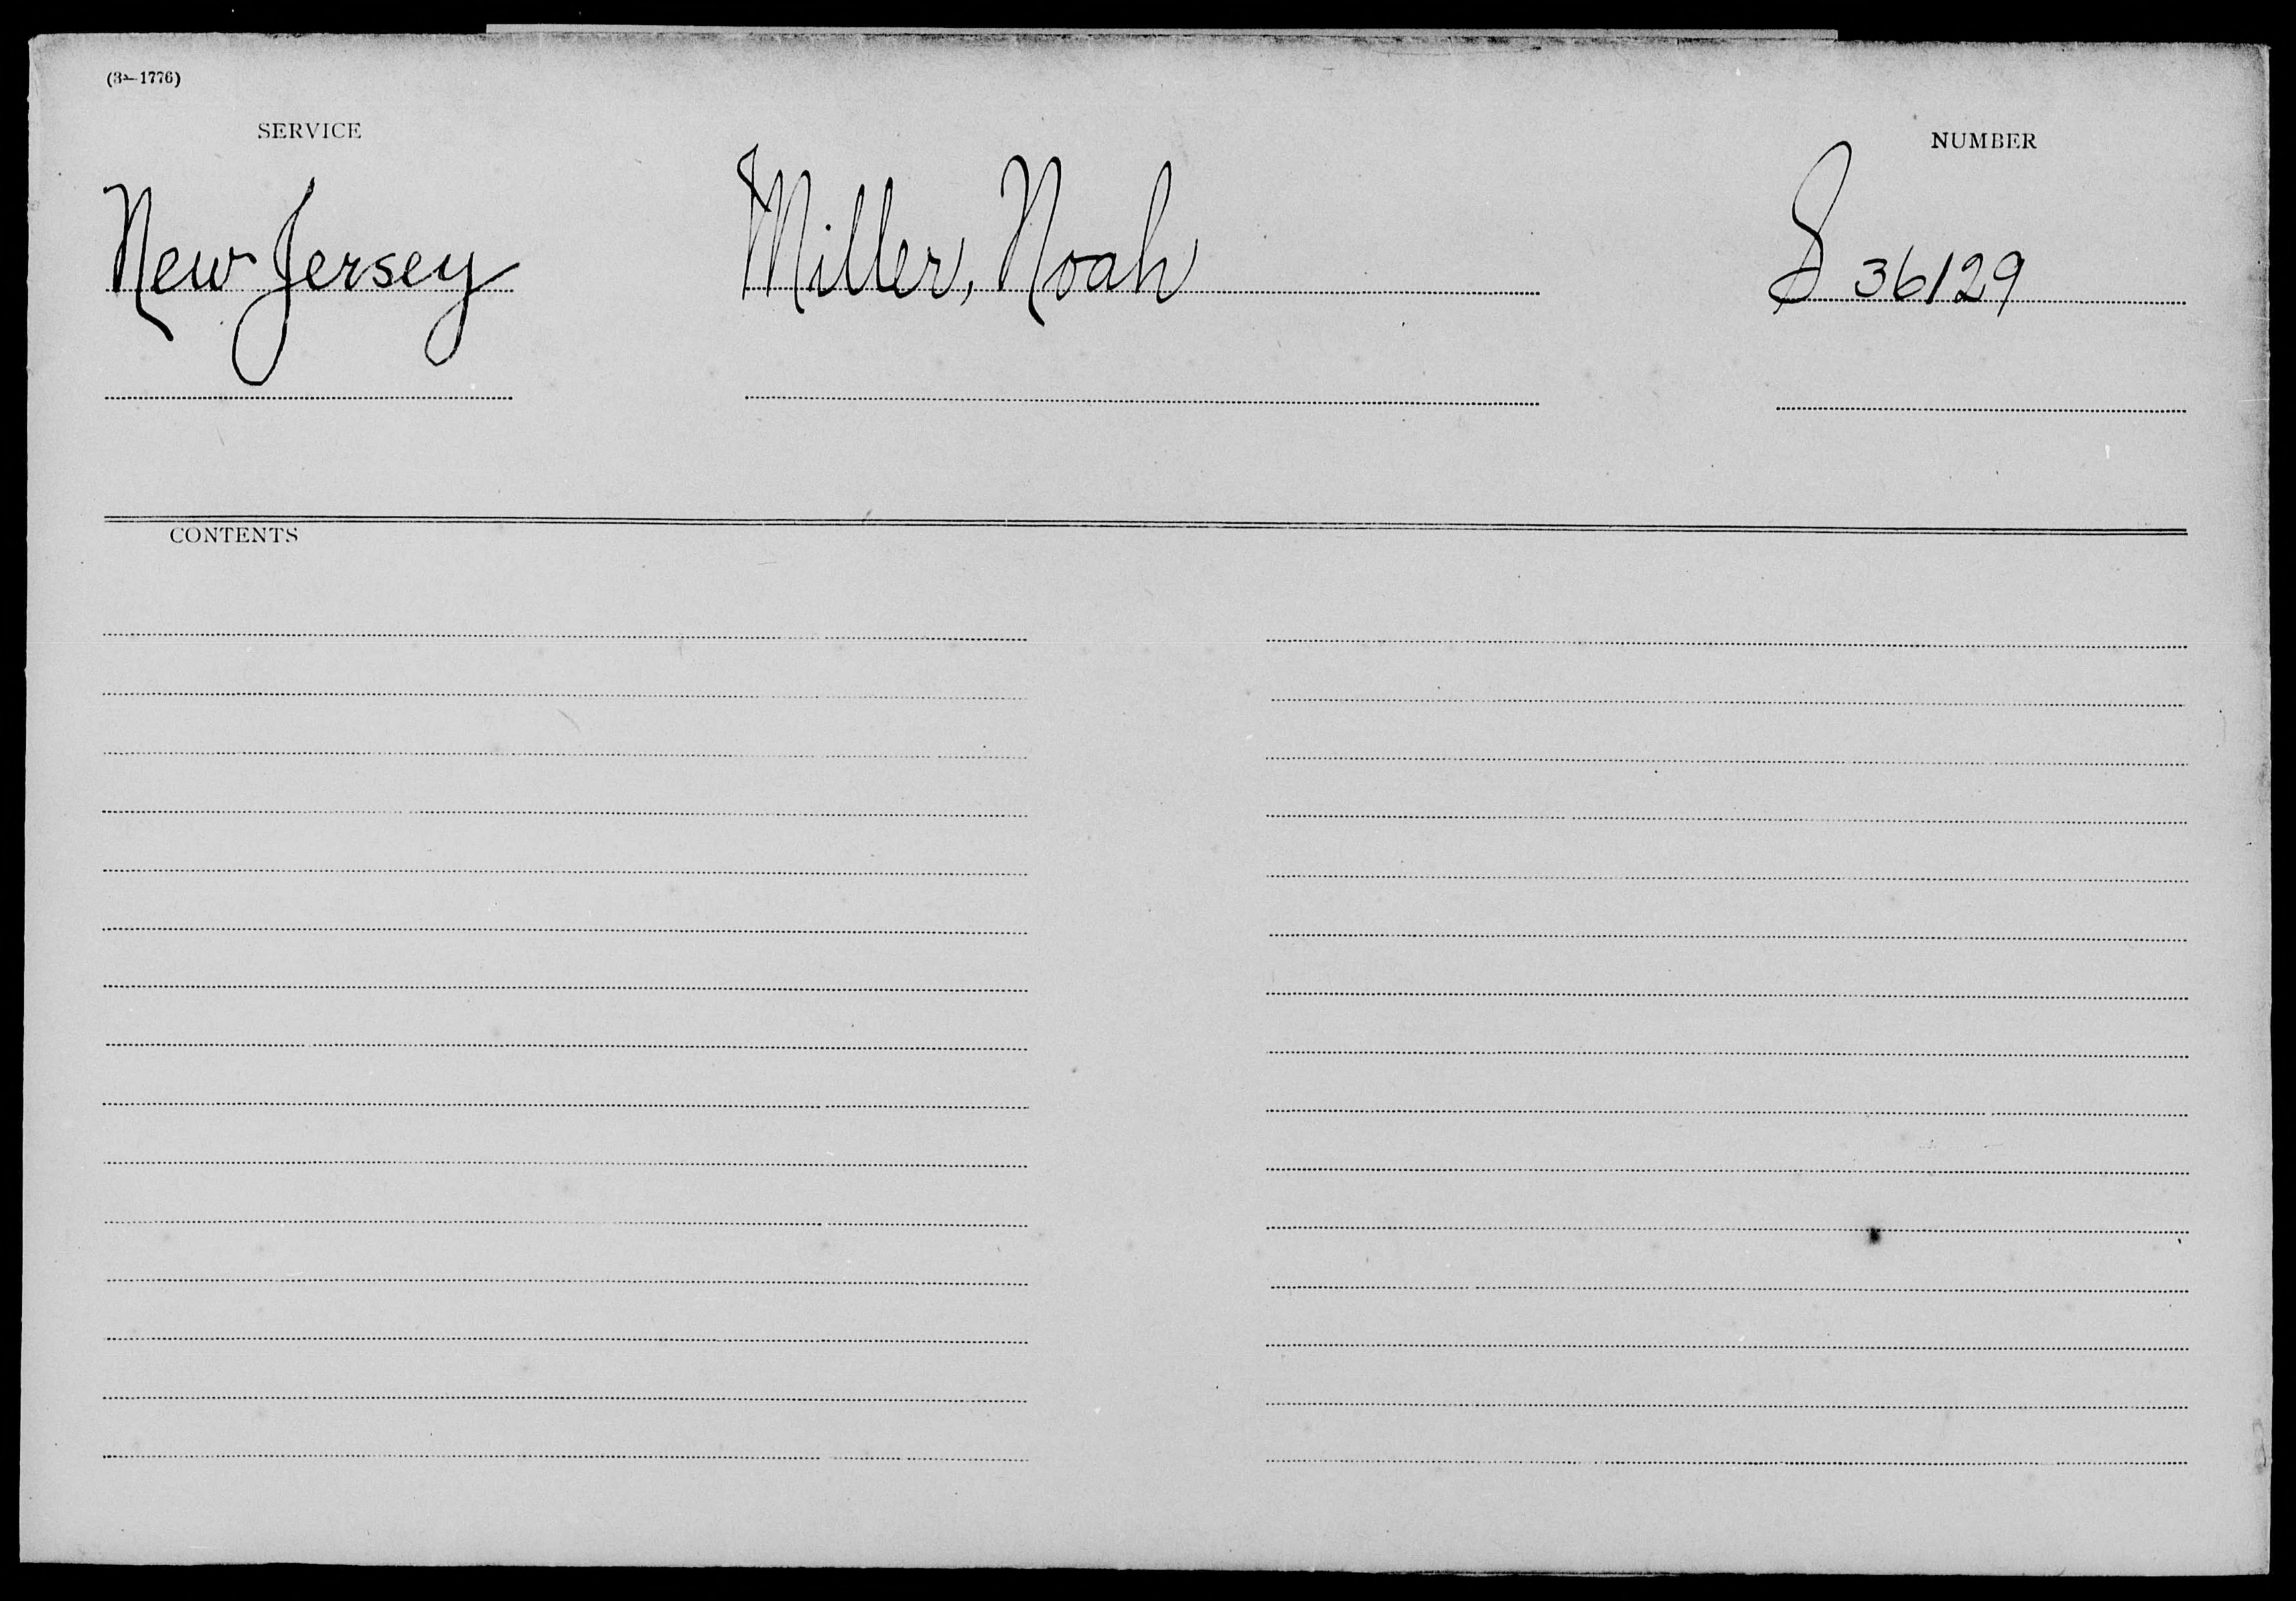(3-1776)

SERVICE
New Jersey

Miller, Noah

Number
S 36129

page: 1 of 20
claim: survivor's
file: S. 36129, for Noah Miller, New Jersey